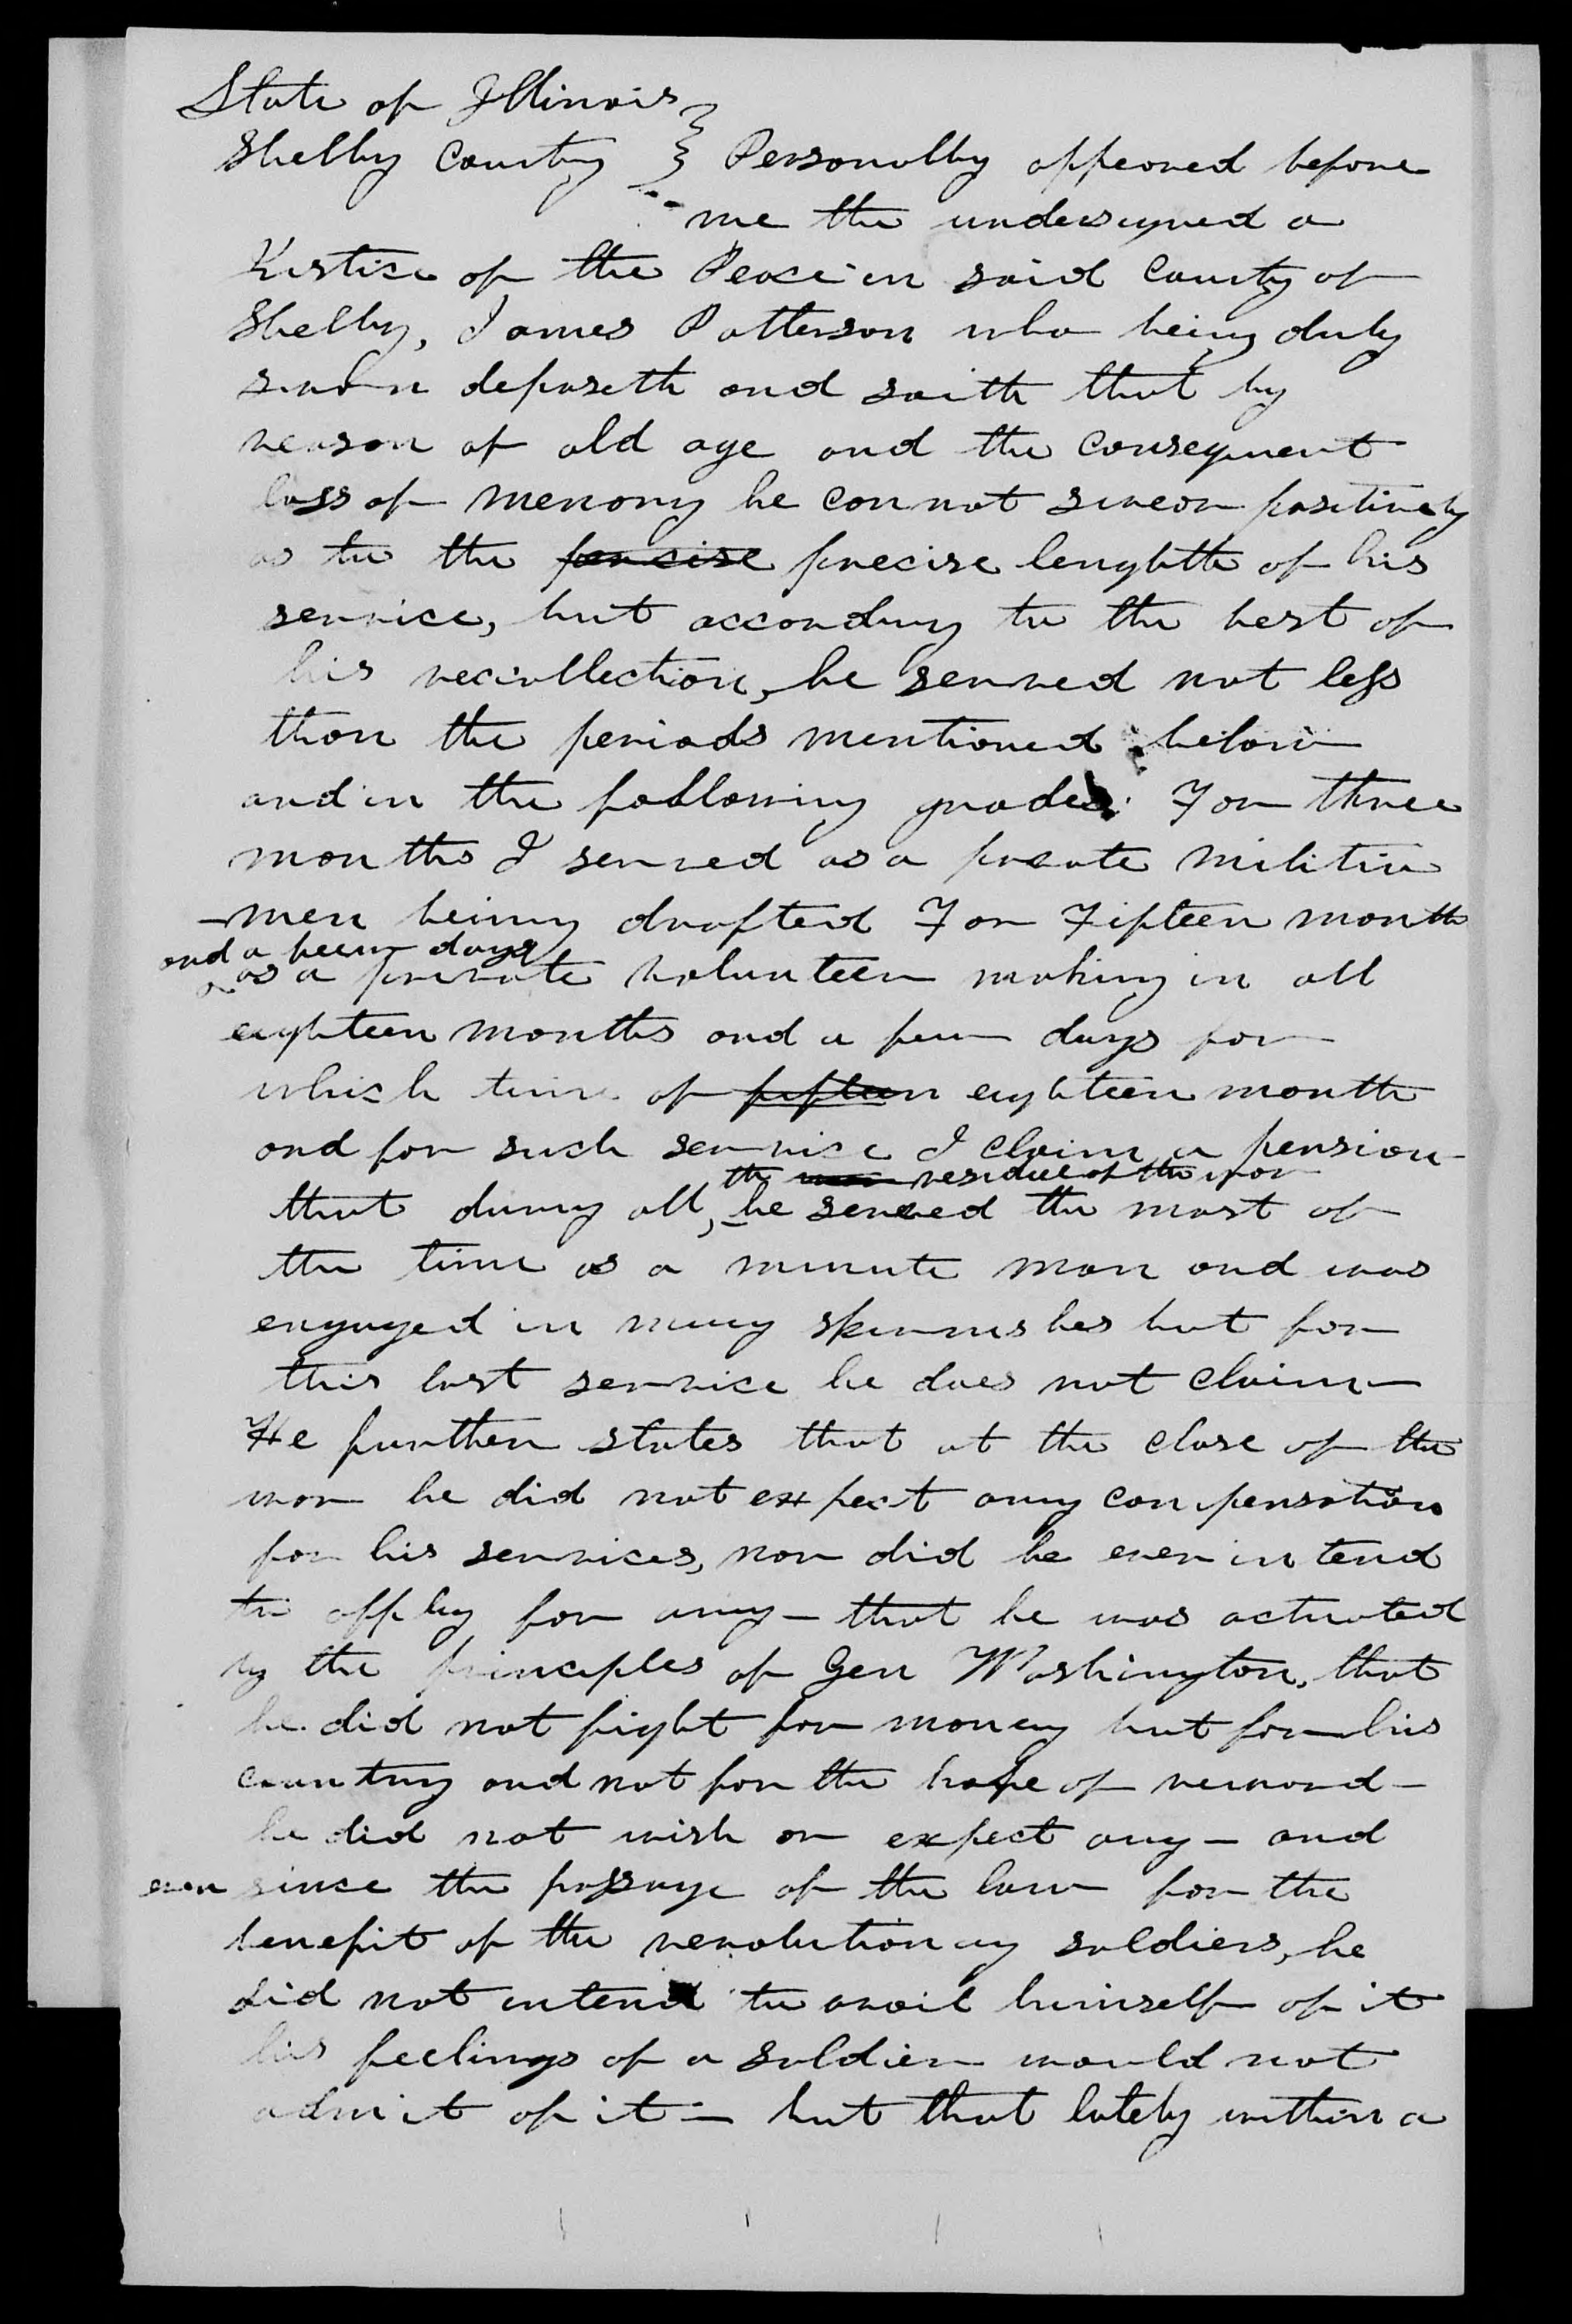State of Illinois }
Shelby County   } Personally appeared before me the undersigned a Justice of the Peace in said County of Shelby, James Patterson who being duly sworn deposeth and saith that by reason of old age and the consequent loss of memory he cannot swear positively as to the precise length of his service, but according to the best of his recollection he served not less than the periods mentioned below and in the following grades; you three months I served as a private militiamen being drafted for fifteen months and a few days as a private volunteer making in all eighteen months and a few days for which time of eighteen month and for such service I claim a pension that during all, the residual time upon he served the most of the time as a minute man and was engaged in many skirmishes but for this last service he does not claim- He further states that at the close of the war he did not expect any compensation for his services, nor did he ever intend to apply for any- that he was actuated by the principles of Gen Washington, that he did not fight for money but for his country and not for the hope of [illegible reward]- he did not wish or expect any. and ever since the passage of the law for the benefit of the revolutionary soldiers, he did not intend to avail himself of it his feelings of a soldier would not admit of it, but that lately within a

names: James Patterson; [BLANK] Washington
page: 52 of 69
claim: widow's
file: W. 10861, for James Patterson, North Carolina